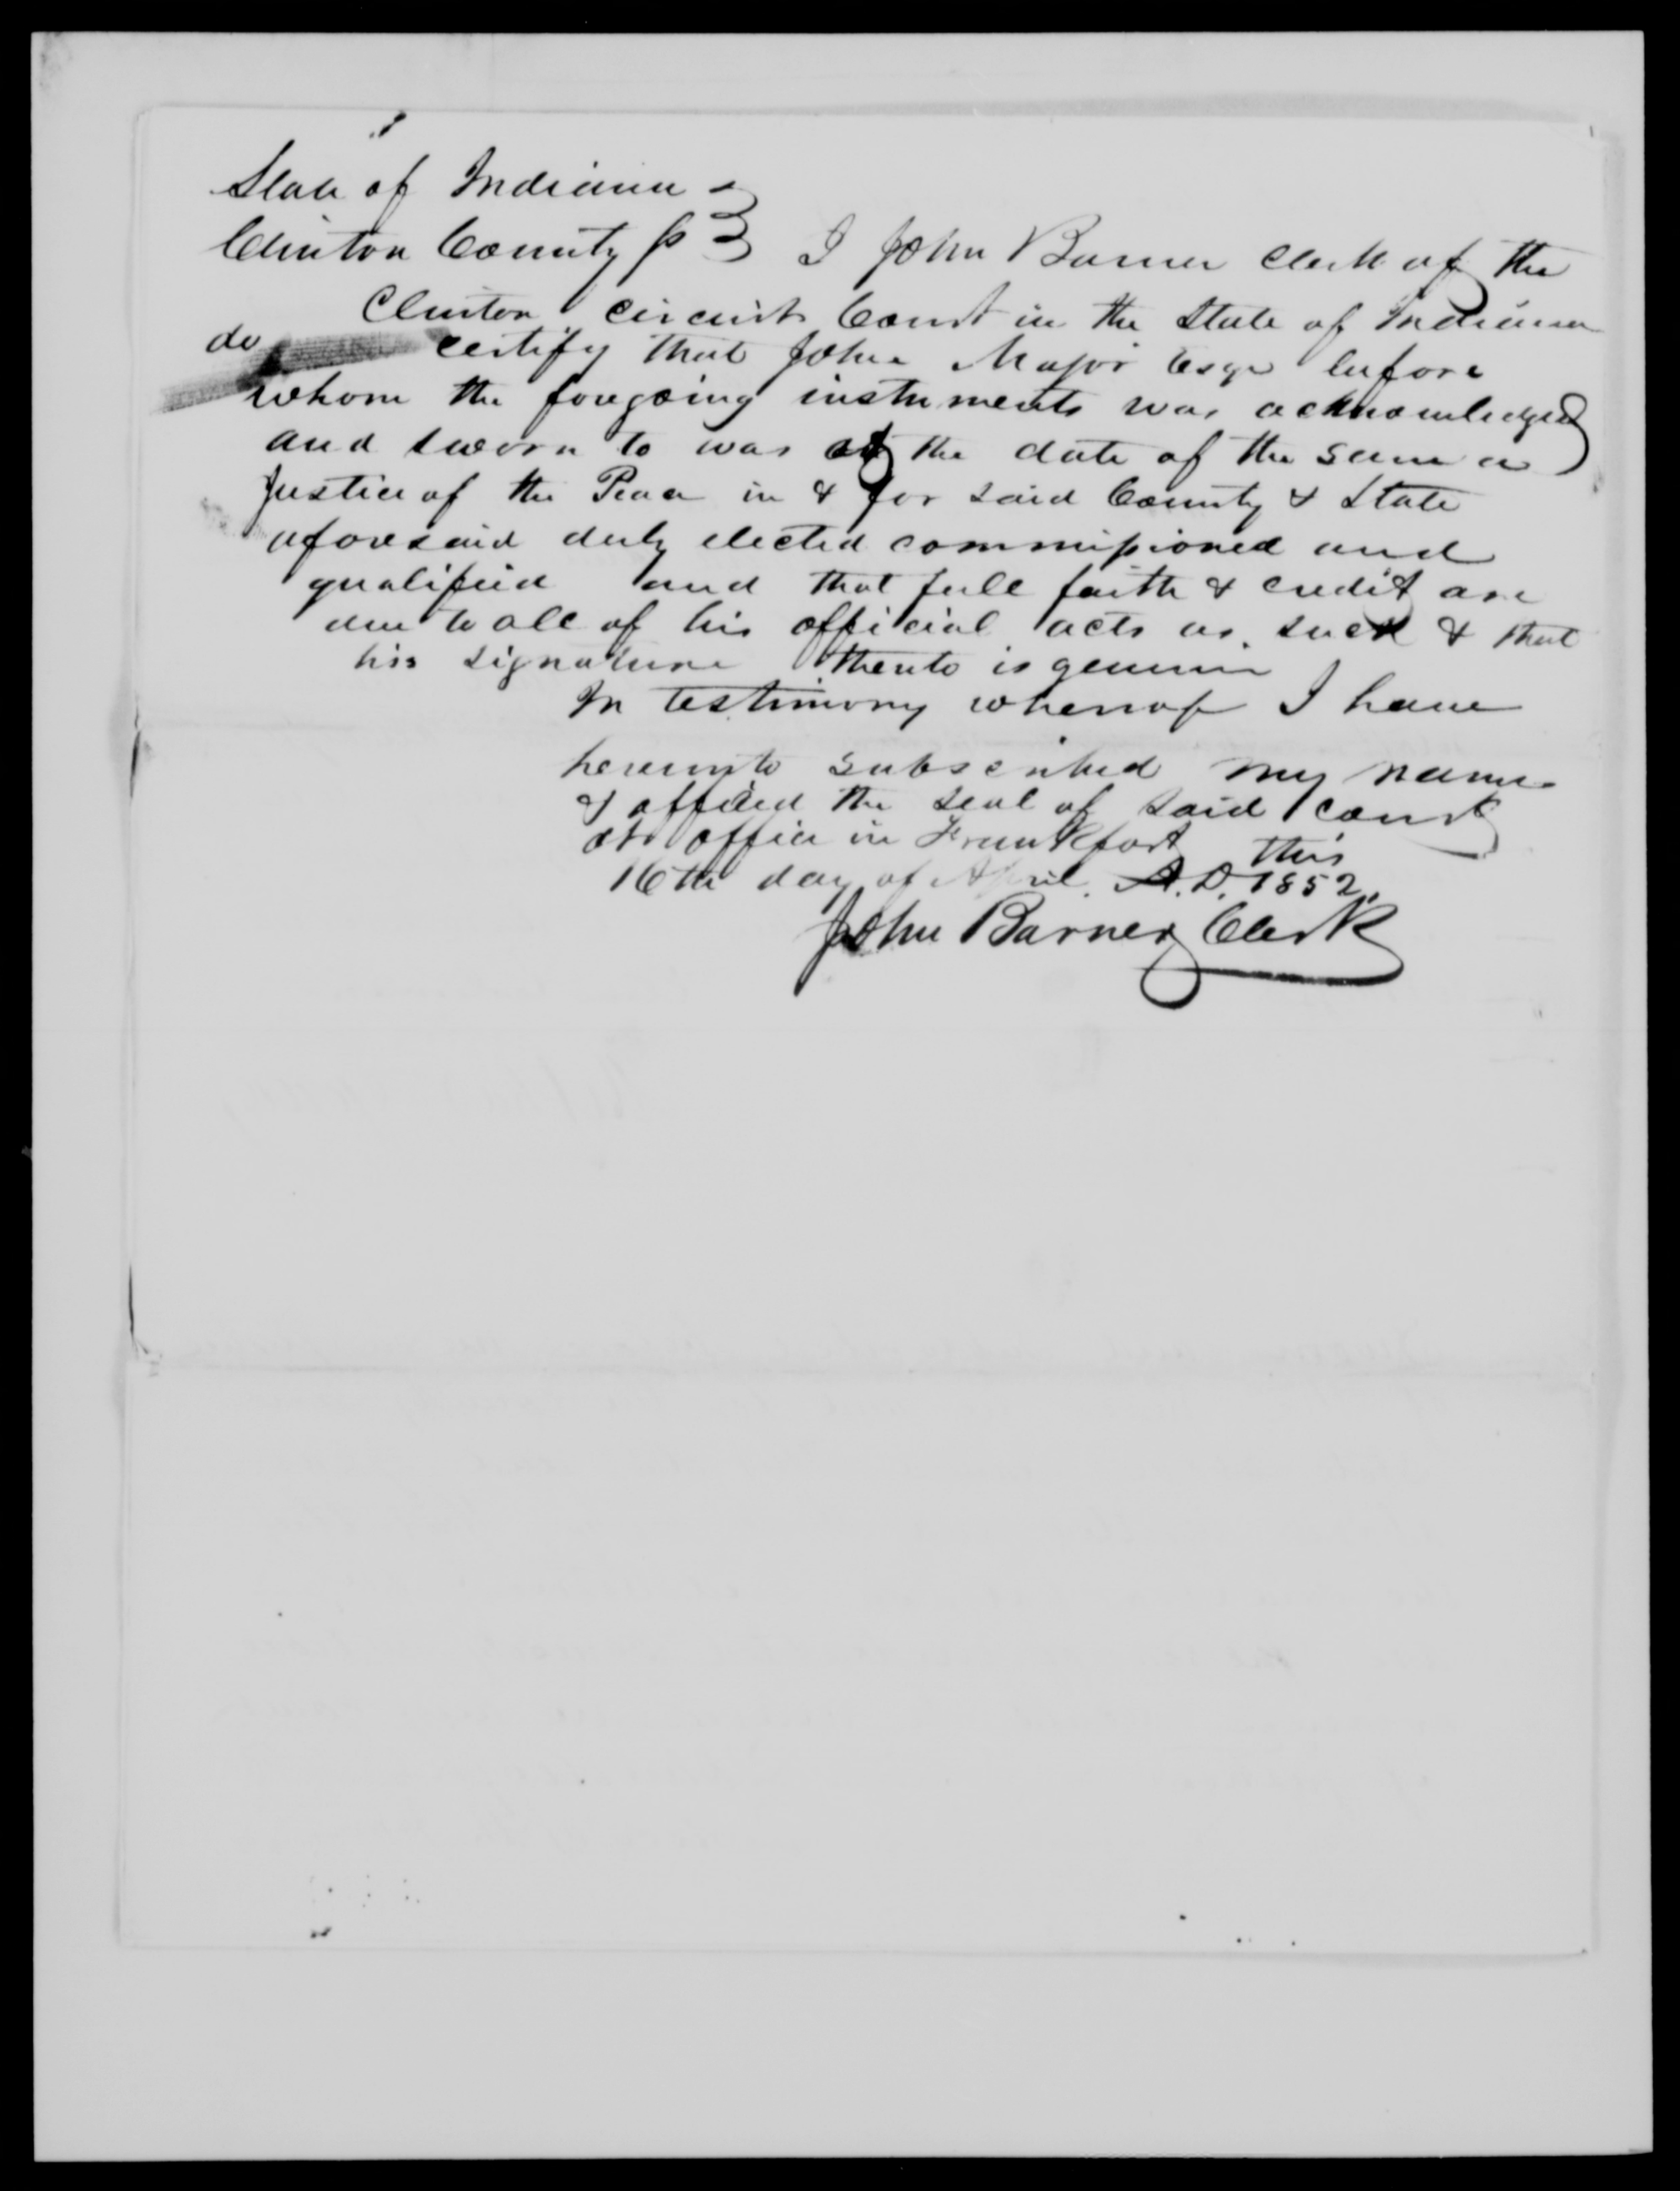State of Indiana Clinton County ss
 I John Barner Clerk of the
Clinton Circuit Court in the State of Indiana
do certify that John Major Esqr before
whom the foregoing instrument was acknowledged
and sworn to was at the date of the same a
Justice of the Peace in & for said County & State
aforesaid duly elected commissioned and
qualified and that full faith & credit are
due to all of his official acts as such & that
his signature thereto is genuine
In testimony whereof I have
hereunto subscribed my name
& affixed the seal of said Court
at office in Frankfort this
16th day of April A.D.
John Barner Clerk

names: John Major, John Barner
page: 123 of 123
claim: rejected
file: R. 11,949, Matthias Young, Md.